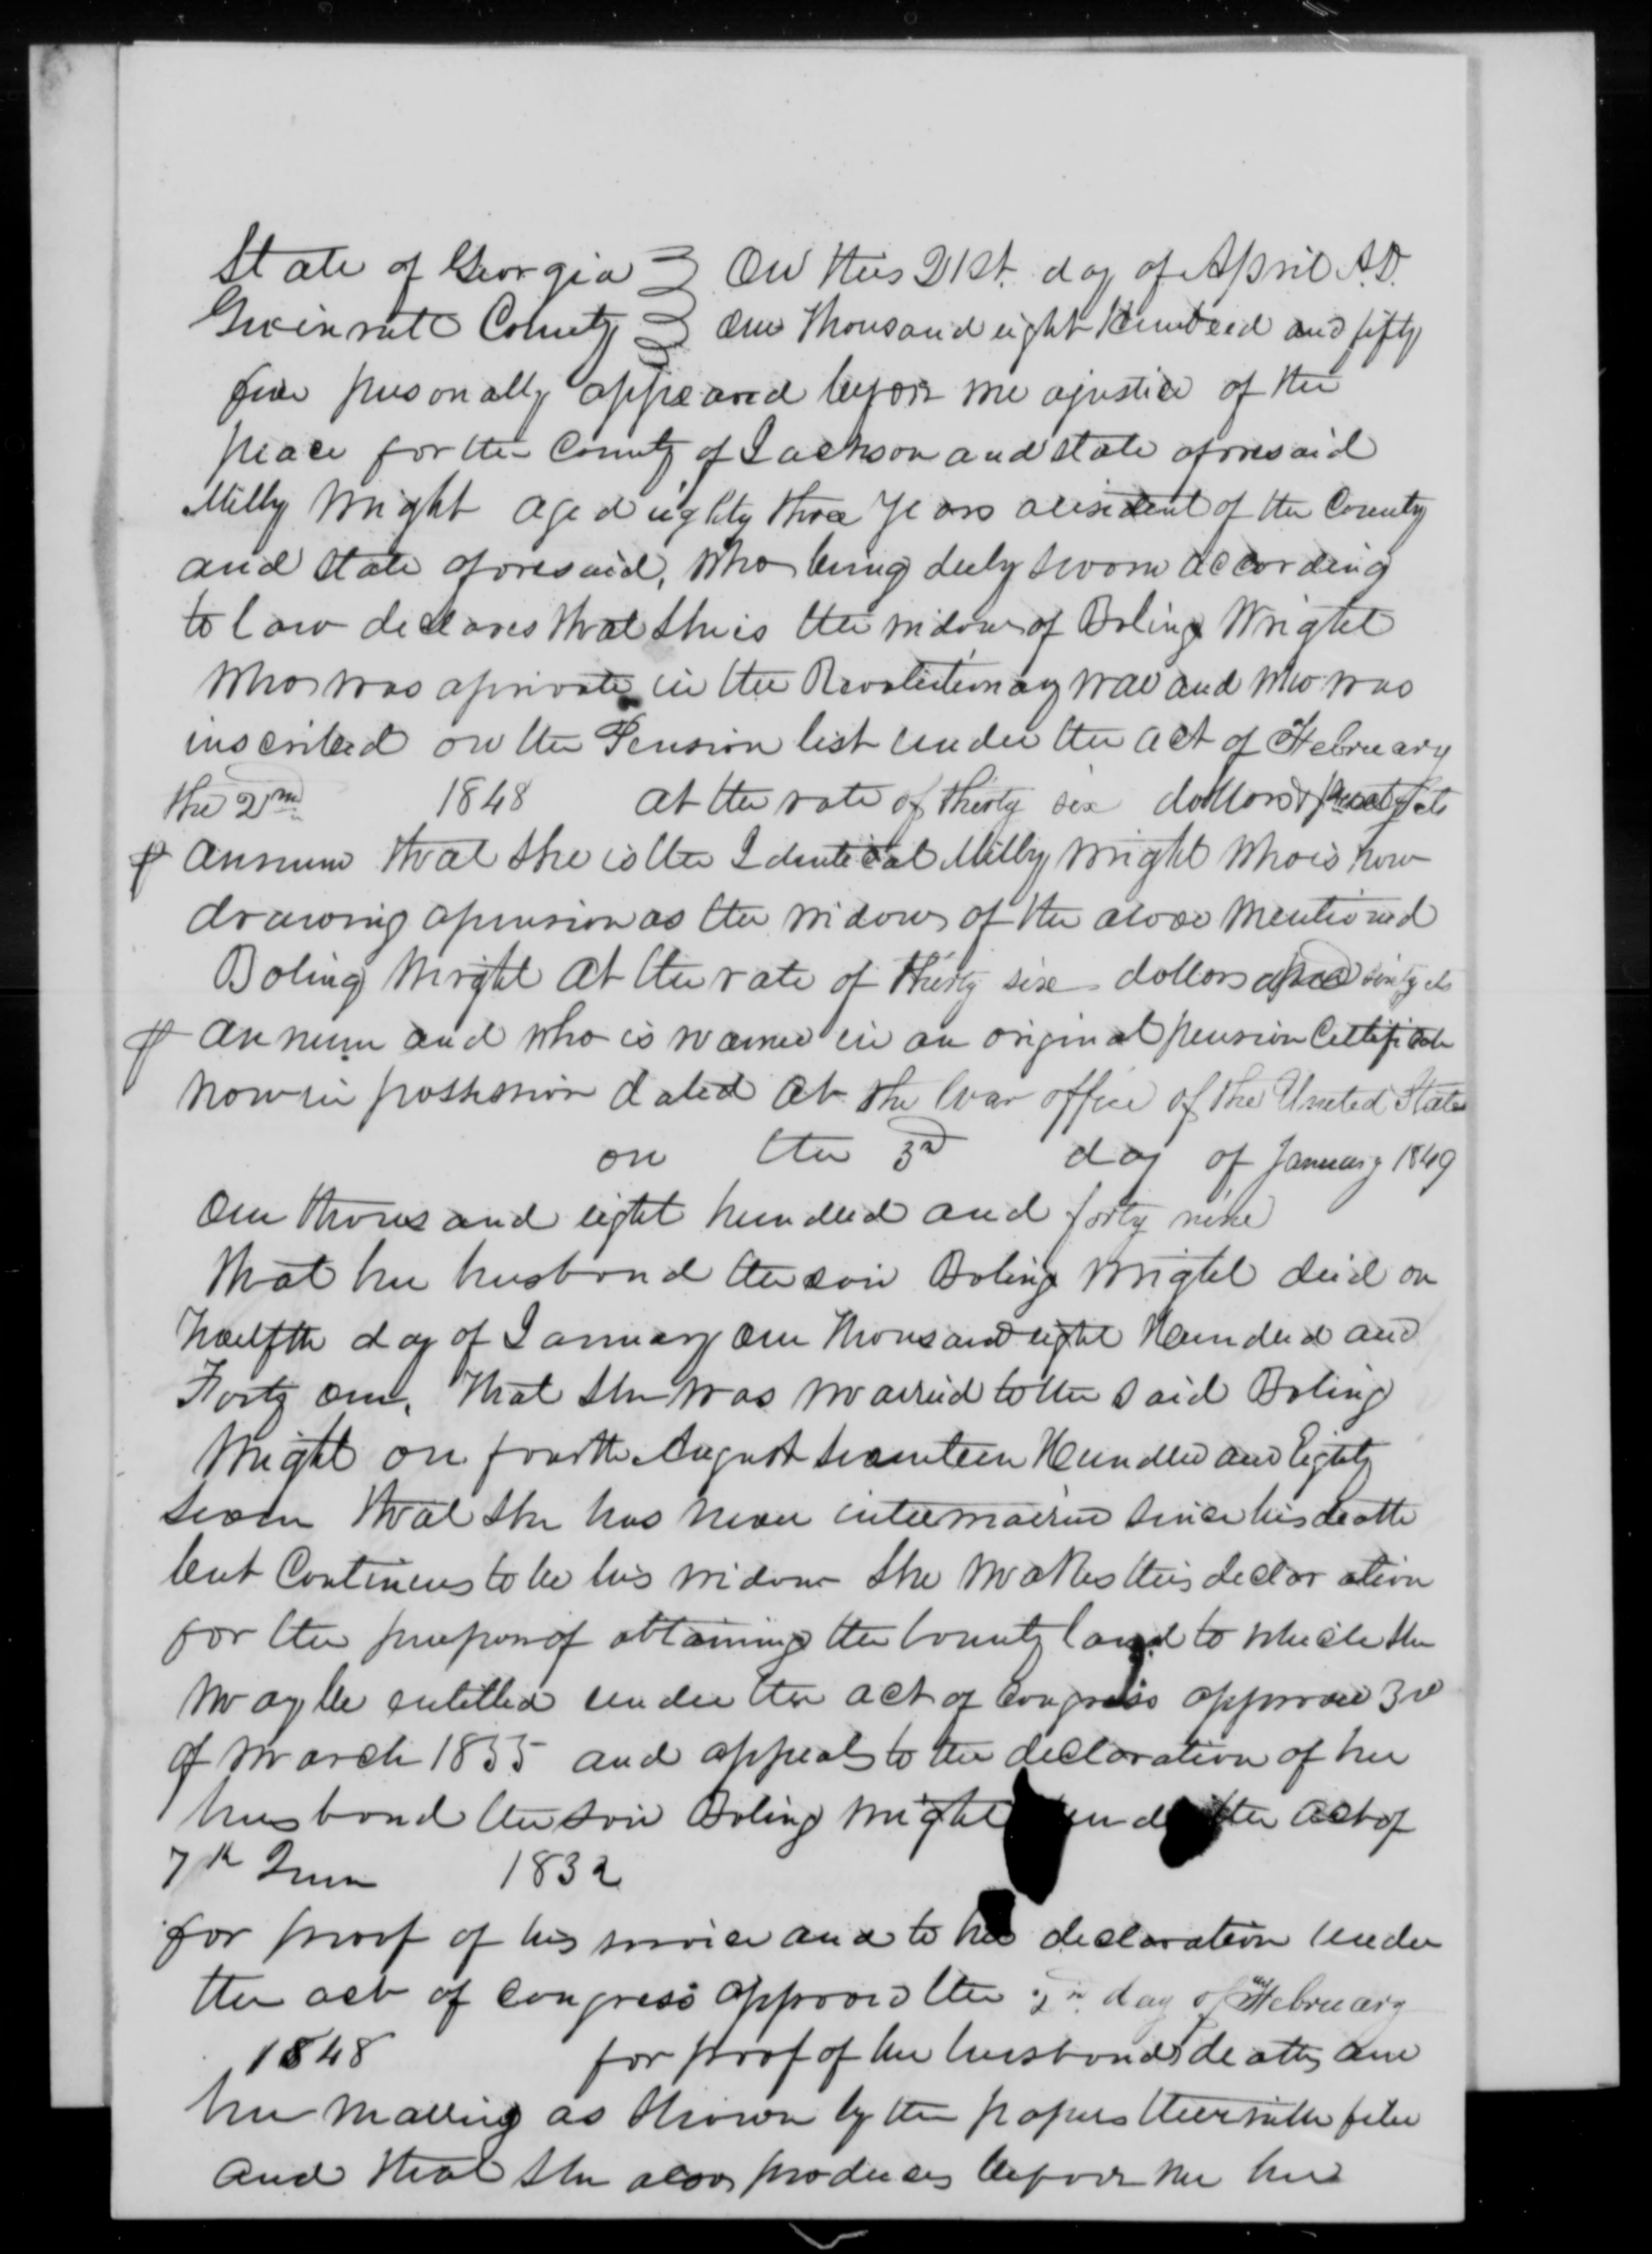State of Georgia} On this 21st day of April A.D.
Gwinnet County} one thousand eight hundred and fifty five personally appeared before me a justice of the peace for the County of Jackson and state aforesaid Milly Wright aged eighty three years a resident of the County and State aforesaid, who being duly sworn according to law declares that she is the widow of Bolling Wright who was a private in the Revolutionary War and who was inscribed on the Pension list under the act of February the 2nd 1848 at the rate of thirty six dollars per annum that she is the Identical Milly Wright who is now drawing a pension as the widow of the above mentioned Boling Wright at the rate of thirty six dollars and sixty cts p annum and who is named in an original pension Certificate now in possession dated at the War Office of the United States
on the 3d day of January 1849 One thousand eight hundred and forty nine That her husband the said Boling Wright died on Twelfth day of January one thousand eight hundred and forty one, That she was married to the said Boling Wright on fourth August Seventeen Hundred and Eighty Seven that she has never intermarried since his death but Continues to be his widow She makes this declaration for the purpose of obtaining the bounty land to which she may be entitled under the act of Congress approved 3d of March 1855 and appeals to the declaration of her husband the said Boling Wright under the Act of 7th June 1832
for proof of his service and to her declaration under the act of congress approved the 2nd day of February 1848 for proof of her husbands death, and her marriage as shown by the papers therewith filed and that she also produces before me her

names: Boling Wright, Milly Wright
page: 21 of 81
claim: widow's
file: W. 5183, Bolling Wright, Va.